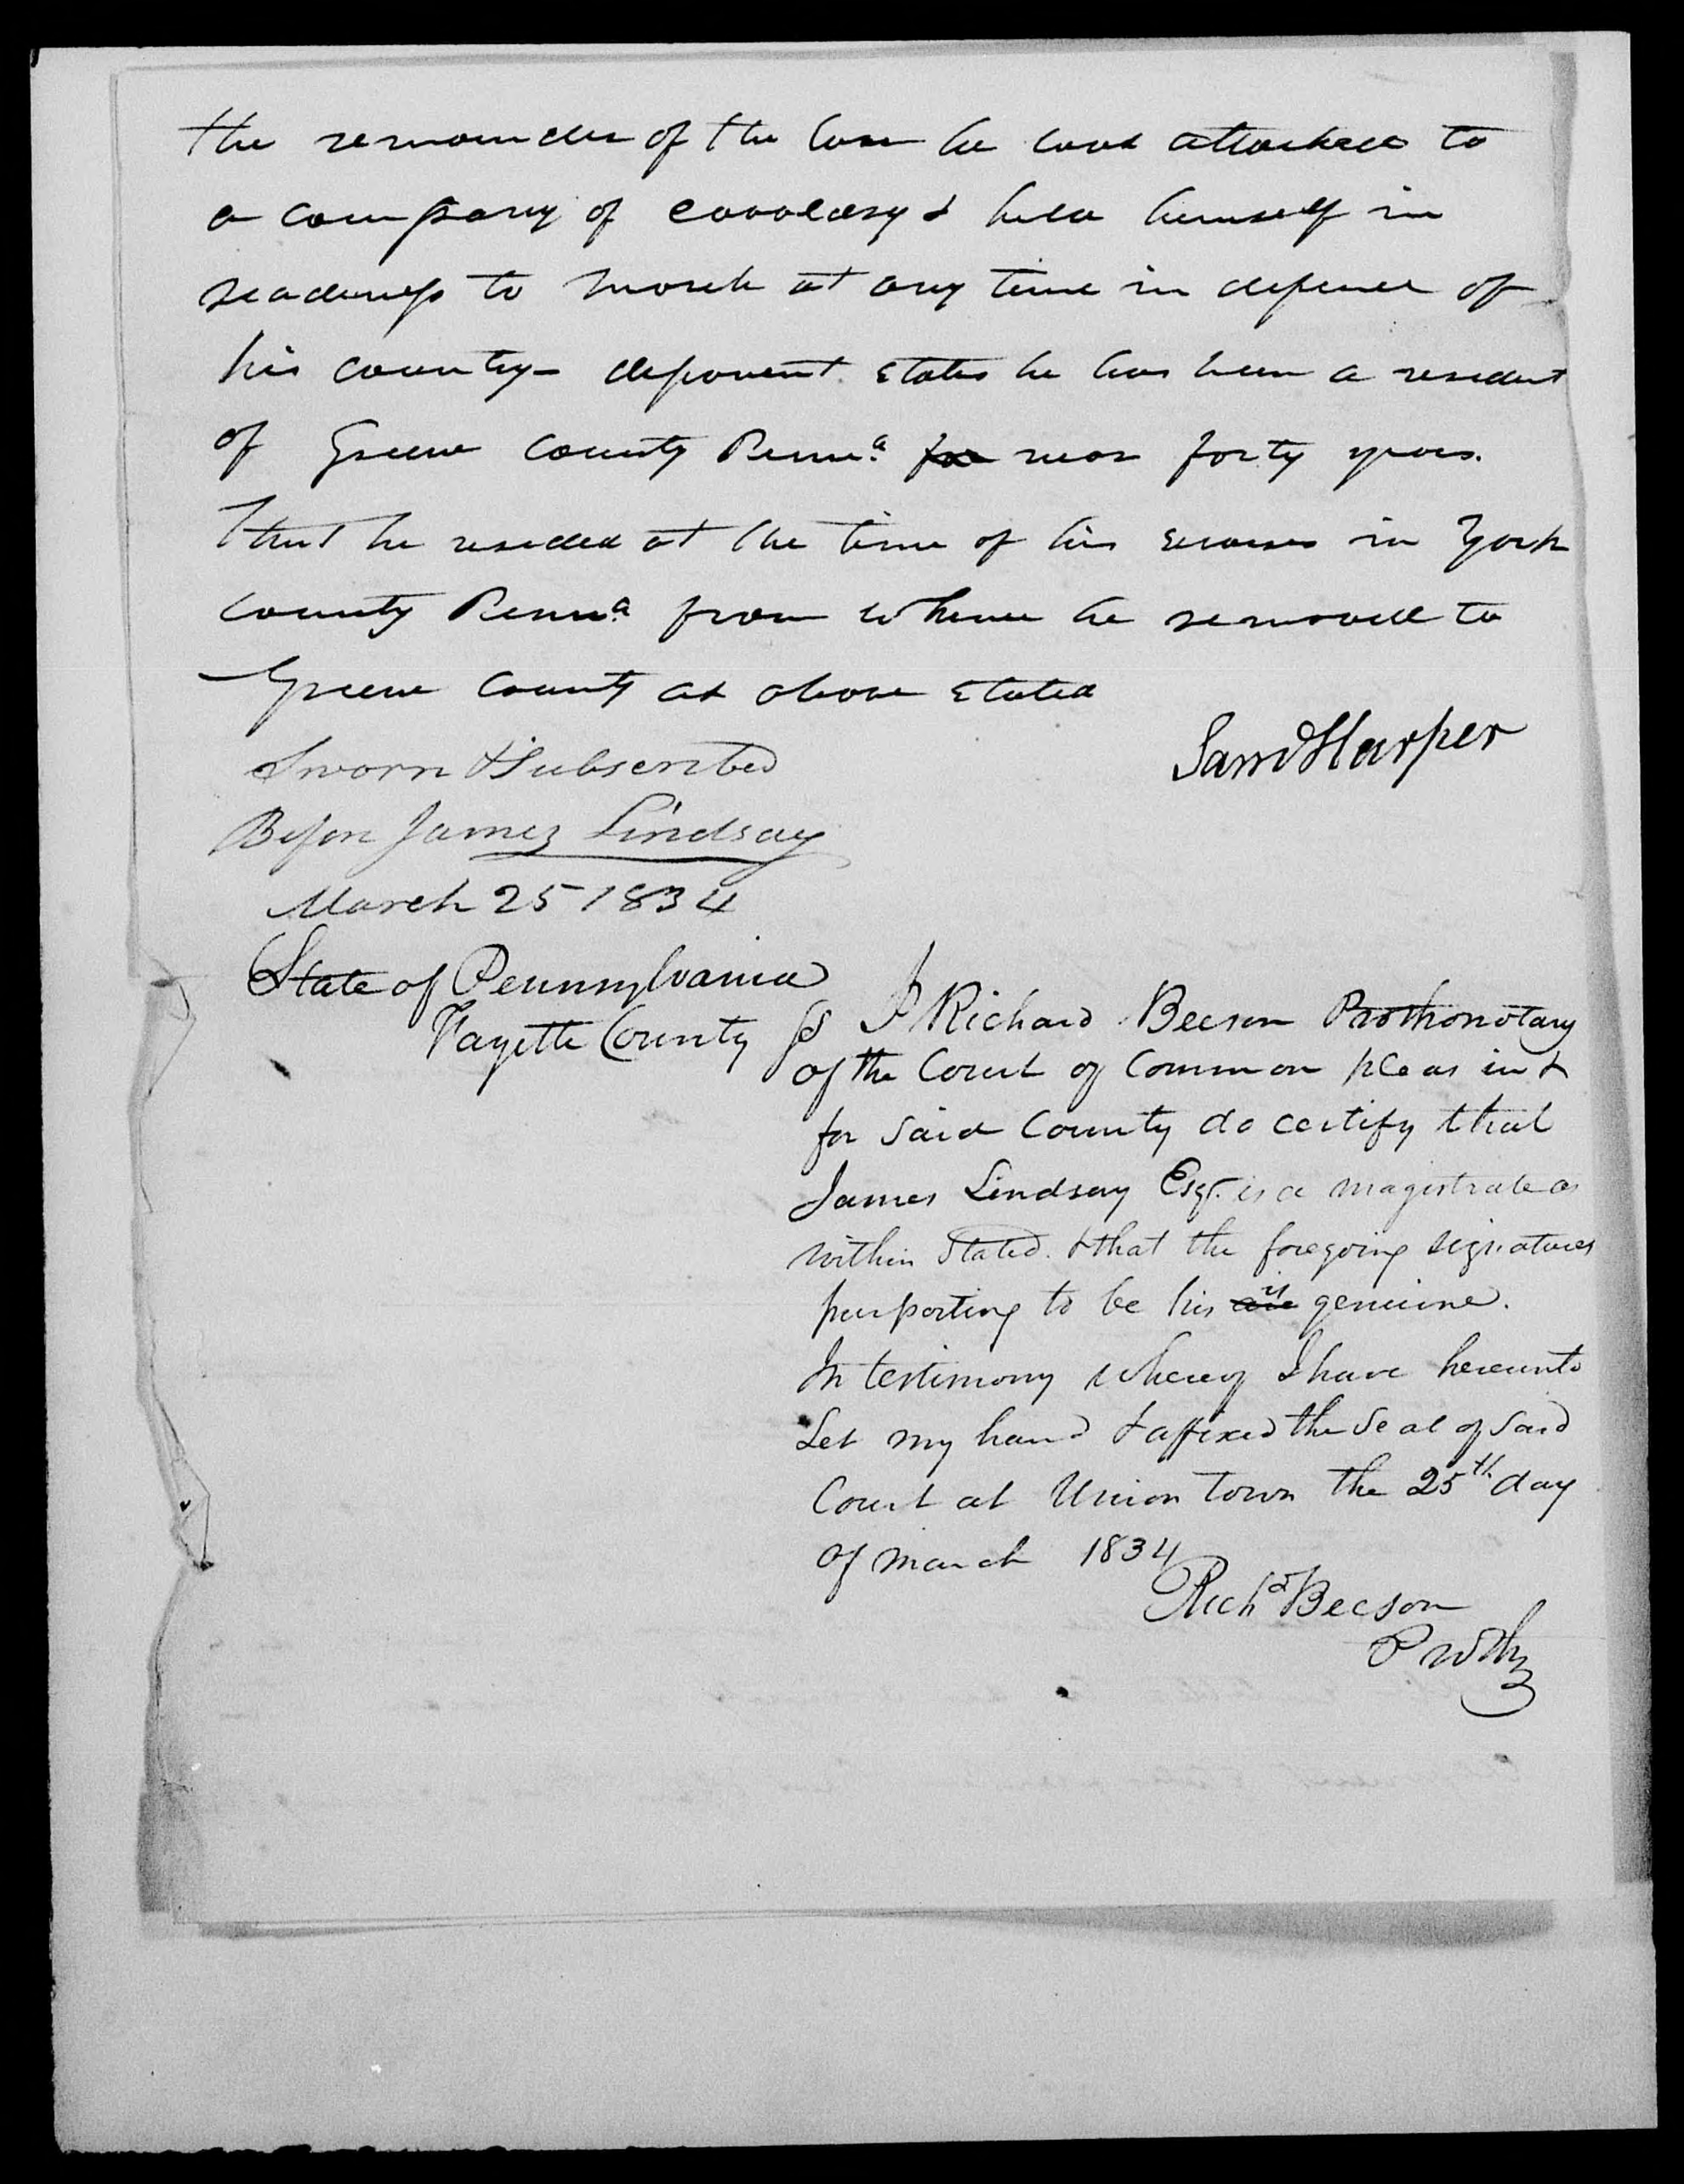the remainder of the war he was attached to
a company of cavalry & held himself in
readiness to march at any time in defence of
his country-- deponent states he has been a resident of Green County Penn for near forty years
that he resided at the time of his service in York County Penna from whence he removed to Green County as above stated
Saml Harper
Sworn & Subscribed
Before James Lindsay
March 25 1834
State of Pennsylvania
Fayette County
I Richard Beeson Prothonotary
of the Court of Common pleas in &
for said County do certify that
James Lindsay Esqr. is a magistrate as
within stated. & that the foregoing signatures
purporting to be his genuine.
In testimony whereof I have hereunto
set my hand & affixed the seal of said
Court at Uniontown the 25th day
of March 1834 Richd Beeson
Proth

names: James Lindsay, Saml Harper, James Lindsay, Richd Beeson, Richard Beeson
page: 71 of 81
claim: survivor's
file: S. 1908, Richard Harper, N.C.